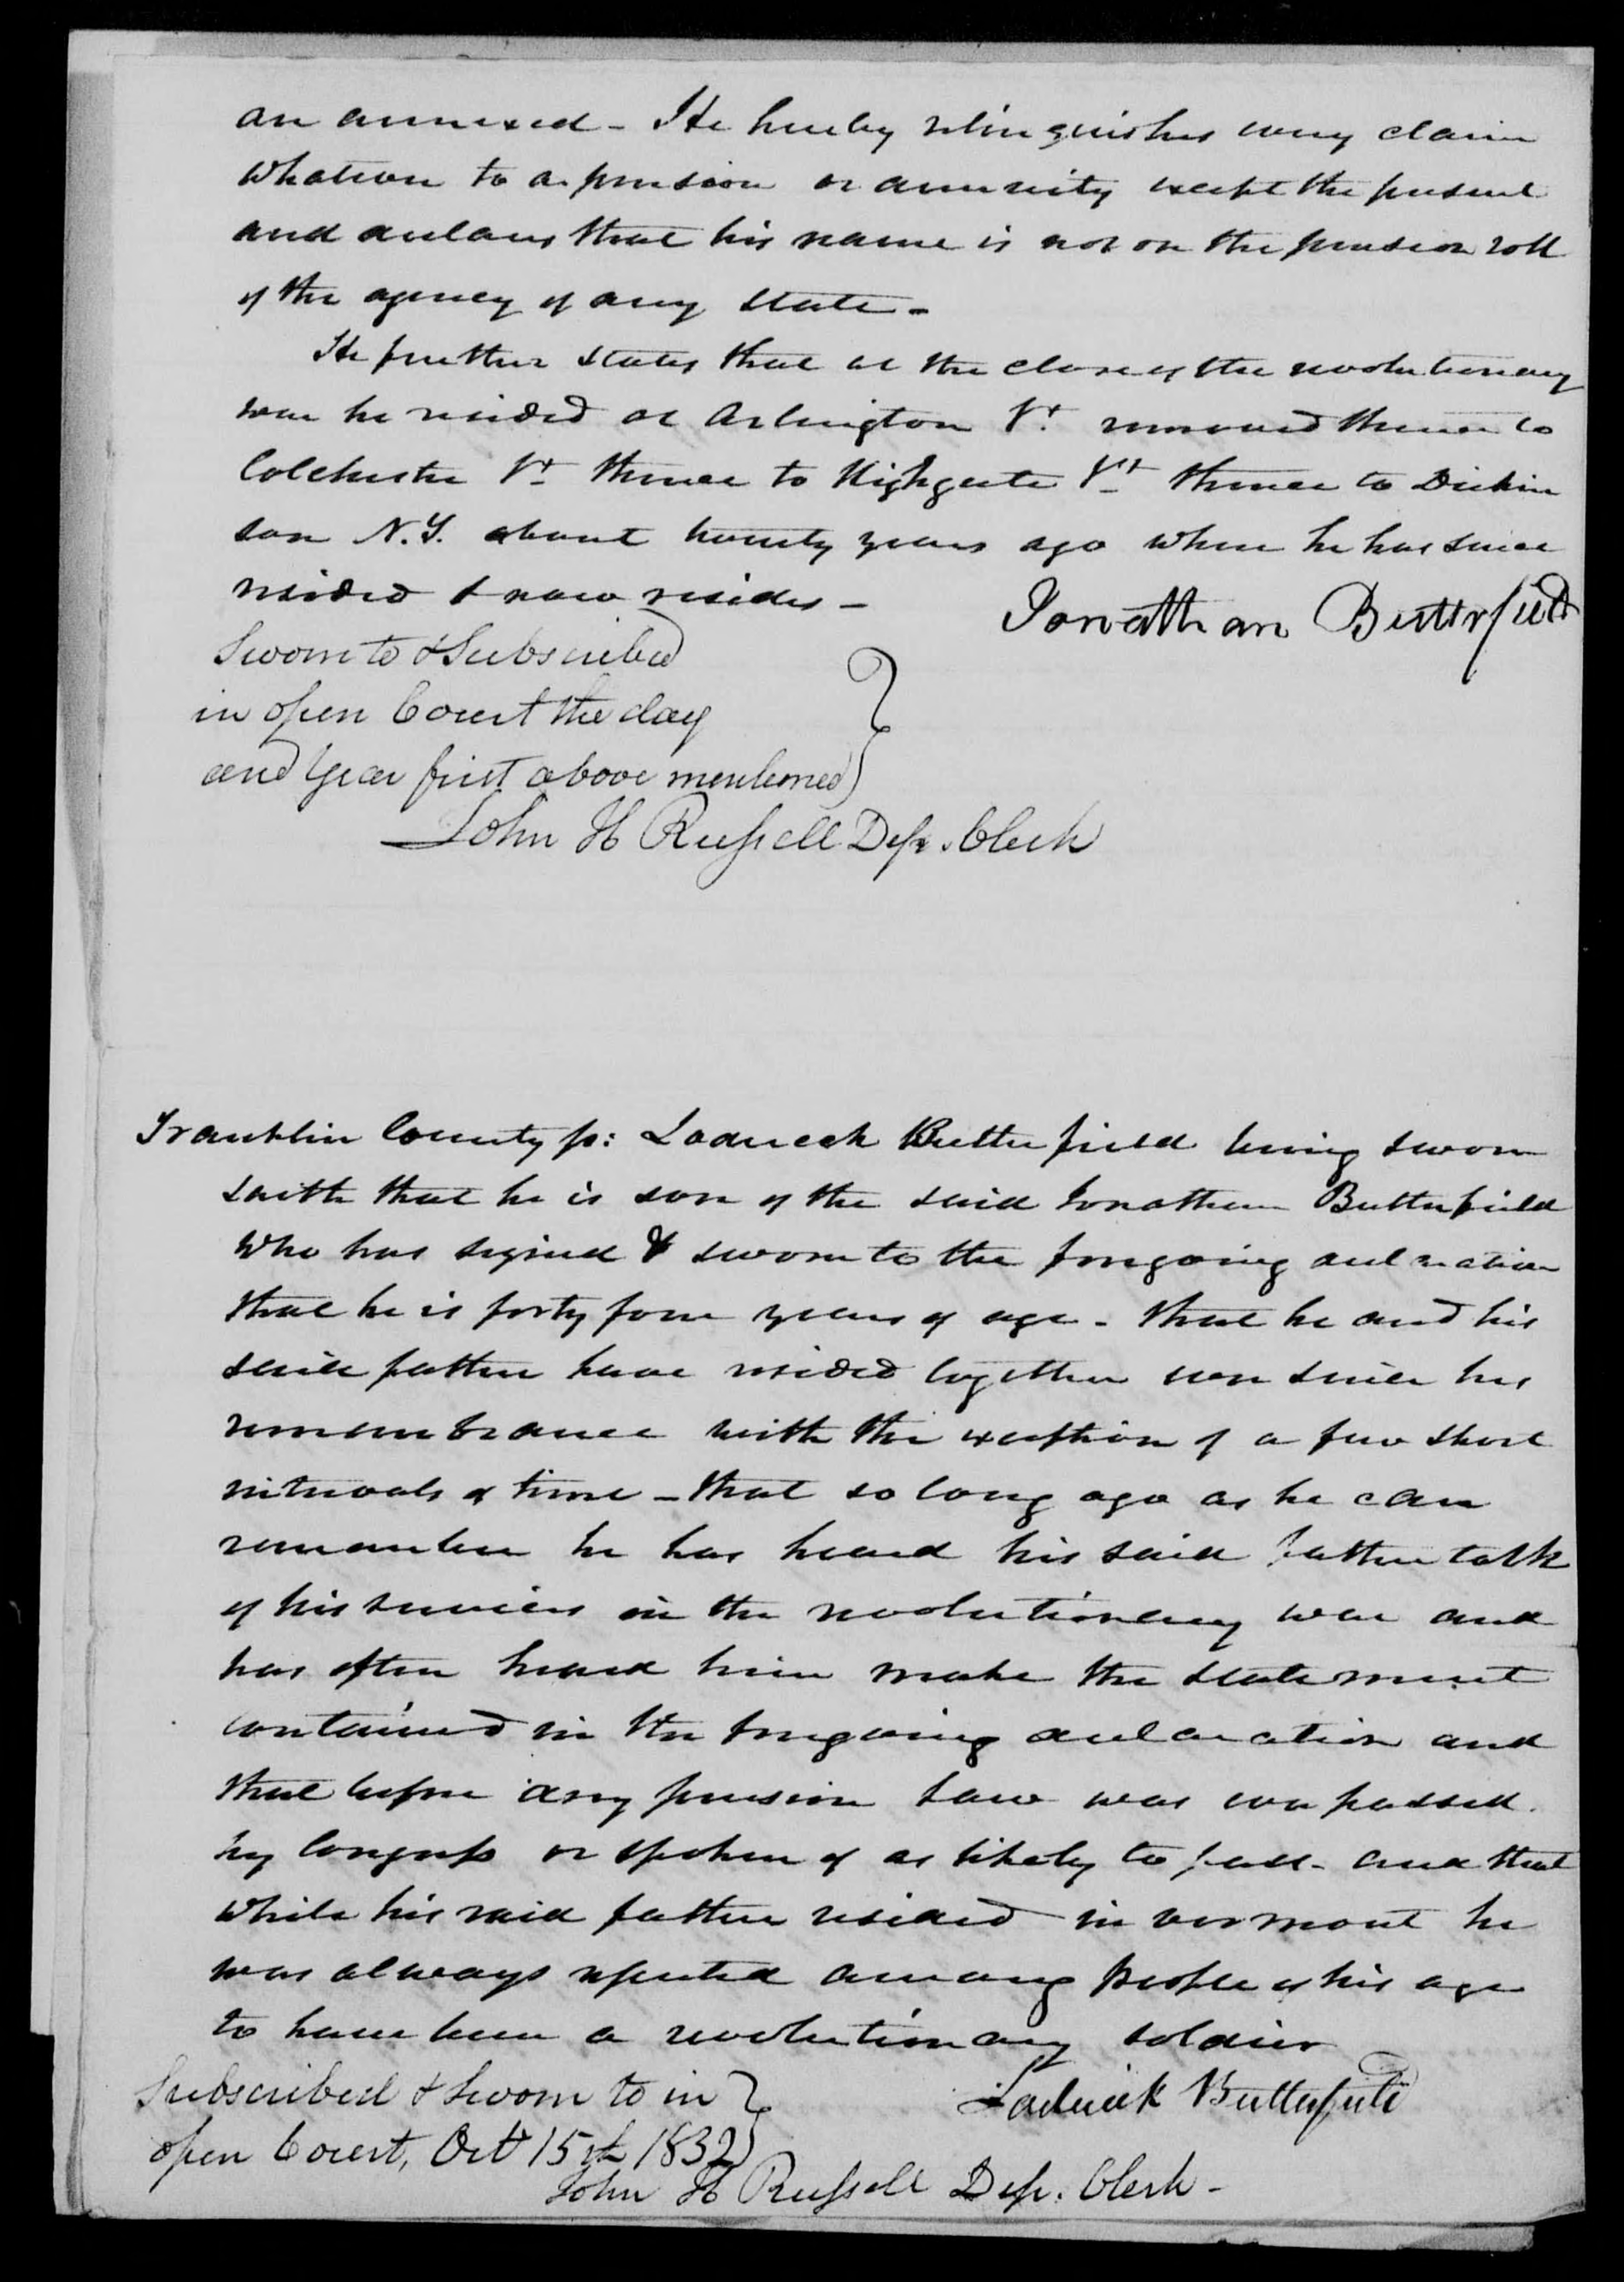as annexed. He hereby relinquishes every claim whatever to a pension or annuity except the present and declares that his name is not on the pension roll of the agency of any State. He further states that at the close of the revolutionary war he resided at Arlington removed thence to Colchester Vt thence to Highgate Vt thence to Dickinson N. Y. about twenty years ago where he has since
resided & now resides.
Jonathan Butterfield

Sworn to & Subscribed in open Court the day and year first above mentioned
John H Russell Dep Clerk

Franklin County ss: Lodwick Butterfield being sworn saith that he is son of the said Jonathan Butterfield who has signed & sworn to the foregoing ordination that he is forty four years of age. that he and his said father have resided together since his remembrance with the exception of a few short intervals of time - that so long ago as he can remember he has heard his said father talk of his services in the revolutionary war and has often heard him make the statement continued in the foregoing declaration and that before any pension law was passed by Congress or spoken of as likely to full and that while his said father resided in Vermont he was always reputed among people of his age to have been a revolutionary soldier.
                             Lodwick Butterfield

Subscribed & Sworn to in open Court, Oct 15th 1832
John H Russell Dep. Clerk.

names: Lodwick Butterfield, Jonathan Butterfield, John H Russell, Jonathan Butterfield, John H Russell, Lodwick Butterfield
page: 4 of 40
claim: rejected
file: R. 1558, Jonathan Butterfield, Mass. Vt.